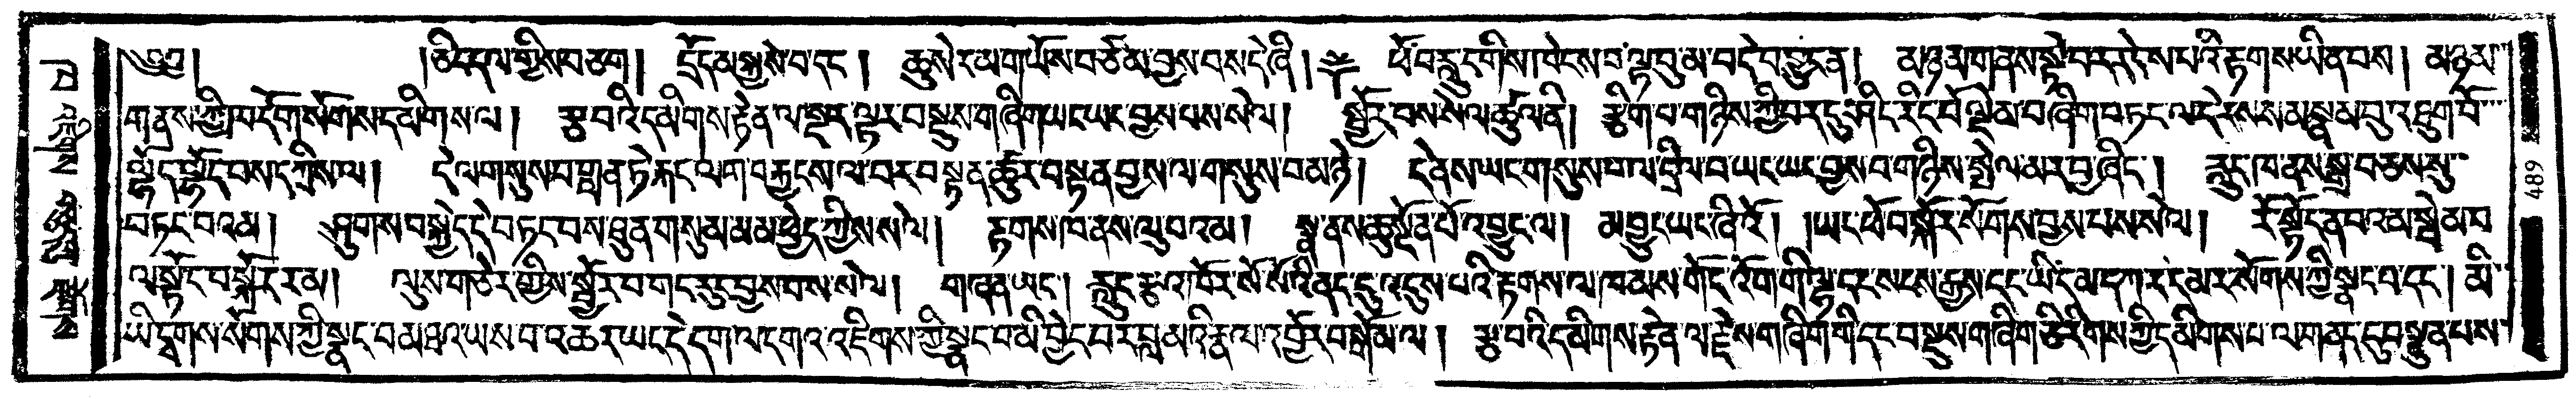༄༅། །ཅིང་དལ་གྱིས་བཅག། དྲོད་མ་སྐྱེས་བ་དང་། ཆུ་སེར་མ་གཡོས་བཙམ་བྱས་པས་དེ་ཞི། ༈ ཕོ་བ་རླུང་གིས་ཁེངས་བ་ལྟ་བུ་མ་བདེ་བ་བྱུང་ན། མཉམ་གནས་སྟེ་བར་དེད་ས་པའི་རྟགས་ཡིན་པས། མཉམ་
གནས་ཀྱི་ཁ་དོག་སོགས་དམིགས་ལ། རྩ་བའི་དམིགས་རྟེན་ལ་སྔར་ལྟར་བསྡུས་གཞིག་ཡང་ཡང་བྱས་པས་སེལ། སྤྱོར་བས་སེལ་ཚུལ་ནི། རྩིག་པ་གཉིས་ཀྱི་བར་དུ་ཤིང་རིང་པོ་ལྡེམ་བཞིག་བཏང་ལ་དེ་རས་སམ་སྣམ་བུ་འཐུག་པོ་
ལྷོད་ལྷོད་བས་དཀྲིས་ལ། དེ་ལ་གསུས་བ་གླན་ཏེ་རྐང་ལག་བརྐྱངས་ལ་བར་བསྟན་ཚུར་བསྟན་བྱས་ལ་གསུས་པ་མཉེ། དེ་ནས་ཡང་གསུས་པ་ལ་དྲིལ་བ་ཡང་ཡང་བྱས་པ་གཉིས་སྤེལ་མར་བྱ་ཞིང་། རླུང་ཁ་ནས་སྒྲ་བཅས་སུ་
བཏང་བའམ། ཤུགས་བསྐྱེད་དེ་བཏང་བས་ཐུན་གསུམ་མམ་ཕྱེད་ཀྱིས་སེལ། རྟགས་ཁ་ནས་ལུ་བའམ། སྣ་ནས་ཆུ་སྔོན་པོ་འབྱུང་ལ། མ་བྱུང་ཡང་ཞིའོ། །ཡང་ཕོ་བསྐོར་སོགས་བྱས་པས་སེལ། རོ་སྟོང་ན་བའམ་སྦེམ་པ་
ལ་སྟོང་བསྐོར་རམ། ལུས་གཅེར་གྱིས་སྦྱོར་བ་གང་རུང་བྱས་པས་སེལ། གཞན་ཡང་། རླུང་རྩ་འཁོར་སོ་སོའི་ནང་དུ་འདུས་པའི་རྟགས་ལ་ཁམས་གོང་འོག་གི་ལྷ་དང་སངས་རྒྱས་དང་ཡི་དམ་དཀར་དམར་སོགས་ཀྱི་སྣང་བ་དང་། མི་
ཡི་དྭགས་སོགས་ཀྱི་སྣང་བ་མཐའ་ཡས་བ་འཆར་ཡང་དེ་དག་ལ་དགའ་འཇིགས་ཀྱི་སྣང་བ་མི་བྱེད་པར་བླ་མའི་རྣལ་འབྱོར་བསྒོམ་ལ། རྩ་བའི་དམིགས་རྟེན་ལ་རྗེས་གཞིག་གི་དང་བསྡུས་གཞིག་ཅི་རིགས་ཀྱི་དམིགས་པ་ལ་གནད་དུ་བསྣུན་པས་